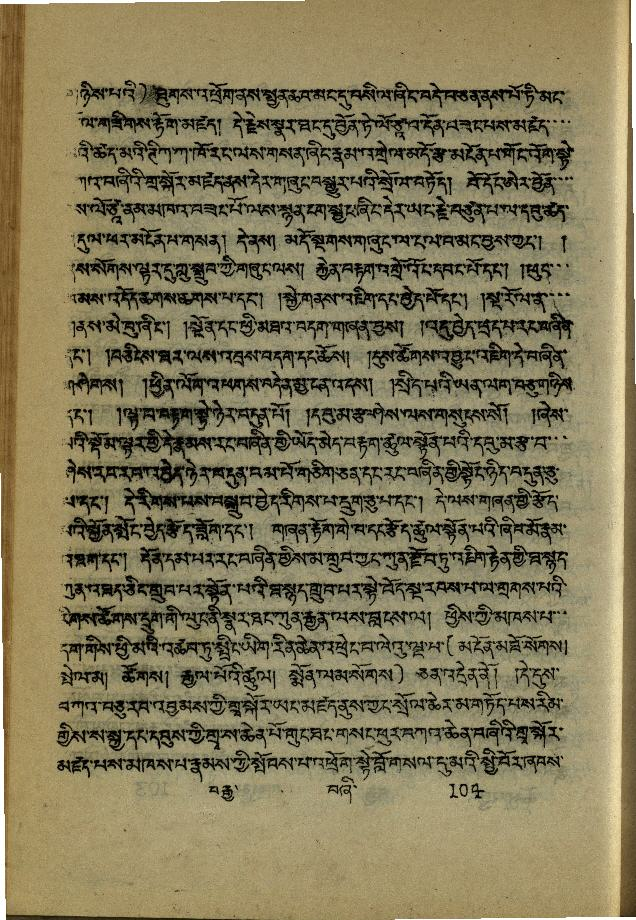གཉིས་པའི་ཐུགས་འཕྲོག་ནས་སྤྱན་ཆབ་མང་དུ་བསིལ་ཞིང་བདེ་བ་ཅན་ནས་པོ་ཏི་མང་
ལ་གཟིགས་རྟོག་མཛད། དེ་རྗེས་སྔར་ཐང་དུ་བྱོན་ཏེ་ལོ་ཙཱ་བ་དོན་བཟང་པས་མཛད་
པའི་ཚད་མའི་ཊྀཀྐ་ཁོ་རང་ལས་གསན་ཞིང་རྣམ་འགྲེལ་མདོ་རྩ་མངོན་པ་གོང་འོག་སྟེ་
དགའ་བཞིའི་གྲ་སྐོར་མཛད་ནས་དེར་གཞུང་བསྒྱུར་པའི་སྲོལ་བཏོད། བོ་དོང་ཨེར་བྱོན་
ནས་ལོ་ཙཱ་ནམ་མཁའ་བཟང་པོ་ལས་སྙན་ངག་སྦྱང་ཞིང་དེར་ཡང་རྗེ་བཙུན་པ་ལ་དབུ་ཚད་
དུལ་ཕར་མངོན་པ་གསན། དེ་ནས། མདོ་སྔགས་གཞུང་ལ་ངལ་བ་མང་བྱས་ཀྱང་། །
ཞེས་སོགས་ལྟར་དུ་ཀླུ་སྒྲུབ་ཀྱི་གཞུང་ལས། རྐྱེན་བརྟག་འགྲོ་འོང་དབང་པོ་དང་། །ཕུང་
ཁམས་འདོད་ཆགས་ཆགས་པ་དང་། །སྐྱེ་གནས་འཇིག་དང་བྱེད་པོ་དང་། །སྔ་རོལ་ན་
གནས་མེ་བུ་ཞིང་། །སྔོན་དང་ཕྱི་མཐའ་བདག་གཞན་བྱས། །འདུ་བྱེད་ཕྲད་པ་རང་བཞིན་
དང་། །བཅིངས་ཐར་ལས་འབྲས་བདག་དང་ཆོས། །དུས་ཚོགས་འབྱུང་འཇིག་དེ་བཞིན་
གཤེགས། །ཕྱིན་ལོག་འཕགས་བདེན་མྱ་ངན་འདས། །སྲིད་པའི་ཡན་ལག་བཅུ་གཉིས་
དང་། །ལྟ་བ་བརྟག་སྟེ་ཉེར་བདུན་པོ། །དབུ་མ་རྩ་ཤེས་ལས་གསུངས་སོ། །ཞེས་
པའི་སྡོམ་ལྟར་གྱི་དེ་རྣམས་རང་བཞིན་གྱི་ཡོད་མེད་བརྟག་ཚུལ་སྟོན་པའི་དབུ་མ་རྩ་བ་
ཤེས་རབ་རབ་འབྱེད་ཉེར་བདུན་བམ་པོ་གཅིག་ཅན་དང་རང་བཞིན་གྱི་སྟོང་ཉིད་བདུན་ཅུ་
པ་དང་། དེ་རིགས་པས་བསྒྲུབ་བྱེད་རིགས་པ་དྲུག་ཅུ་པ་དང་། དེ་ལས་གཞན་གྱི་རྩོད་
པའི་སྐྱོན་སྤོང་བྱེད་རྩོད་ཟློག་དང་། གཞན་རྟོག་གེ་བ་དང་རྩོད་ཚུལ་སྟོན་པའི་ཞིབ་མོ་རྣམ་
འཐག་དང་། དོན་དམ་པར་རང་བཞིན་གྱིས་མ་གྲུབ་ཀྱང་ཀུན་རྫོབ་ཏུ་འཇིག་རྟེན་གྱི་ཐ་སྙད་
ཀུན་འཐད་ཅིང་གྲུབ་པར་སྟོན་པའི་ཐ་སྙད་གྲུབ་པར་སྟེ་བོད་སྔ་རབས་པ་ལ་གྲགས་པའི་
ལེགས་ཚོགས་དྲུག་གི་ལུང་ནི་སྣར་ཐང་ཀུན་རྒྱན་ལས་བླངས་ལ། ཕྱིས་ཀྱི་མཁས་པ་
དག་གིས་ཕྱི་མའི་འཚབ་ཏུ་སྤྲིང་ཡིག་རིན་ཆེན་འཕྲེང་བ་ལེའུ་ལྔ་པ་མངོན་མཐོ་སོགས།
སྤེལ་མ། ཚོགས། རྒྱལ་པོའི་ཚུལ། སྨོན་ལམ་སོགས་ཅན་འདྲེན་ནོ། །དེ་དུས་
བཀའ་བཅུ་རབ་འབྱམས་ཀྱི་གྲྭ་སྐོར་ཡང་མཛད་ནུས་ཀྱང་སྲོལ་ཆེར་མ་གཏོད་པས་རིམ་
གྱིས་ས་སྐྱ་དང་དབུས་ཀྱི་གྲྭ་ས་ཆེན་པོ་གུང་ཐང་གསང་ཕུར་བཀའ་ཆེན་བཞིའི་གྲྭ་སྐོར་
མཛད་པས་མཁས་པ་རྣམས་ཀྱི་སྤོབས་པ་འཕྲོག་སྟེ་བློ་གསལ་དུ་མའི་སྤྱི་བོར་ཞབས་